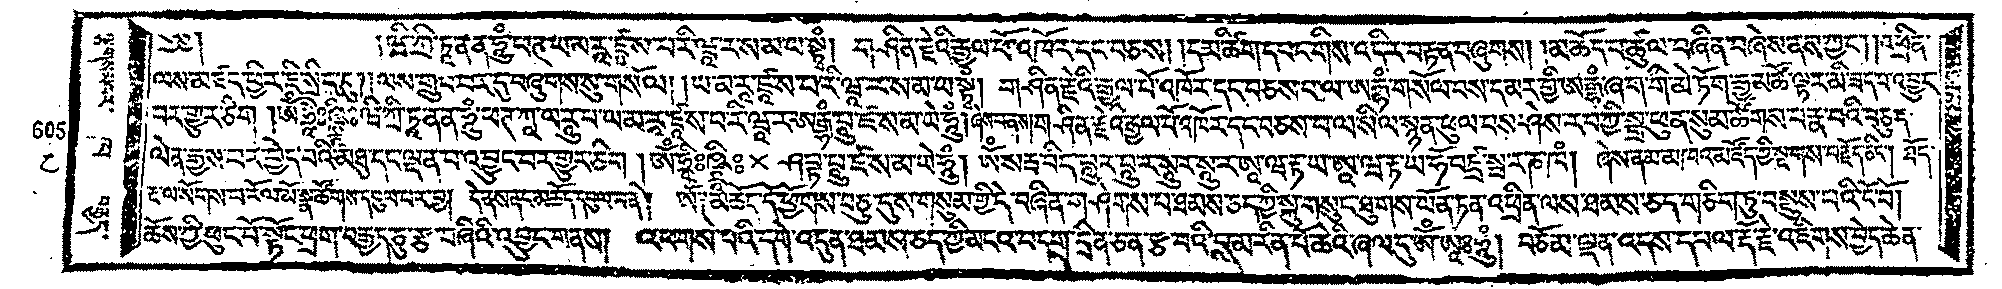༄༅། །ཝི་ཀྲི་ཏཱ་ན་ན་ཧཱུཾ་ཕཊ་ཡ་མ་རཱ་ཛཱ་ས་པ་རི་ཝཱ་ར་ས་མ་ཡ་སྟྭཾ། གཤིན་རྗེའི་རྒྱལ་ཕོ་འཁོར་དང་བཅས། །དམ་ཚིག་དབང་གིས་འདིར་བརྟན་བཞུགས། །མཆོད་པ་ཚུལ་བཞིན་བཞེས་ནས་ཀྱང་། །འཕྲིན་
ལས་མཛད་ཕྱིར་ཇི་སྲིད་དུ། །ལས་གྲུབ་བར་དུ་བཞུགས་སུ་གསོལ། །ཡ་མ་རཱ་ཛཱ་ས་པ་རི་ཝཱ་ར་ས་མ་ཡ་སྟྭཾ། གཤིན་རྗེའི་རྒྱལ་པོ་འཁོར་དང་བཅས་པ་ལ་ཨརྒྷཾ་གསོལ་བས་དམར་གྱི་ཨརྒྷཾ་ཞག་གི་མེ་ཏོག་རྒྱུ་མཚོ་ལྟར་མི་ཟད་བ་འབྱུང་
བར་གྱུར་ཅིག །ཨོཾ་ཧྲཱིཿཥྚྲཱིཿཝི་ཀྲི་ཏཱ་ན་ན་ཧཱུཾ་ཕཊ་ཀཱ་ལ་རཱུ་པ་ཡ་མ་རཱ་ཛཱ་ས་པ་རི་ཝཱ་ར་ཨརྒྷཾ་པཱུ་ཛ་ས་མ་ཡེ་ཧཱུཾ། ཞེས་པ་ནས།  གཤིན་རྗེའི་རྒྱལ་པོ་འཁོར་དང་བཅས་པ་ལ་སིལ་སྙན་ཕུལ་པས་ཤེས་རབ་ཀྱི་སྒྲ་ཕུན་སུམ་ཚོགས་པ་རྣ་བའི་བཅུད་
ལེན་རྒྱས་པར་བྱེད་པའི་མཐུ་དང་ལྡན་པ་འབྱུང་བར་གྱུར་ཅིག །ཨོཾ་ཧྲཱིཿཥྚྲཱིཿ ྾་ཤཔྟ་པཱུ་ཛ་ས་མ་ཡེ་ཧཱུཾ། ཨོཾ་སརྦ་བིད་པཱུ་ར་པཱུ་ར་སཱུ་ར་སཱུ་ར་ཨཱ་ཝ་རྟ་ཡ་ཨཱ་ཝ་རྟ་ཡ་ཧོ་བཛྲ་སྤ་ར་ཎ་ཁཾ། ཞེས་ནམ་མཁའ་མཛོད་ཀྱི་སྔགས་བརྗོད་ཅིང་། ཐོད་
རྔ་ལ་སོགས་པ་རོལ་མོ་སྣ་ཚོགས་དབུལ་པར་བྱ། དེ་ནས་ནང་མཆོད་དབུལ་བ་ནི། ཨོཾ༑ མཆོད་དོ་ཕྱོགས་བཅུ་དུས་གསུམ་གྱི་དེ་བཞིན་གཤེགས་པ་ཐམས་ཅད་ཀྱི་སྐུ་གསུང་ཐུགས་ཡོན་ཏན་འཕྲིན་ལས་ཐམས་ཅད་གཅིག་ཏུ་བསྡུས་པའི་ངོ་བོ།
ཆོས་ཀྱི་ཕུང་པོ་སྟོང་ཕྲག་བརྒྱད་ཅུ་རྩ་བཞིའི་འབྱུང་གནས། འཕགས་པའི་དགེ་འདུན་ཐམས་ཅད་ཀྱི་མངའ་བདག་དྲིན་ཅན་རྩ་བའི་བླ་མ་རིན་པོ་ཆེའི་ཞལ་དུ་ཨོཾ་ཨཱཿཧཱུཾ། བཅོམ་ལྡན་འདས་དཔལ་རྡོ་རྗེ་འཇིགས་བྱེད་ཆེན་